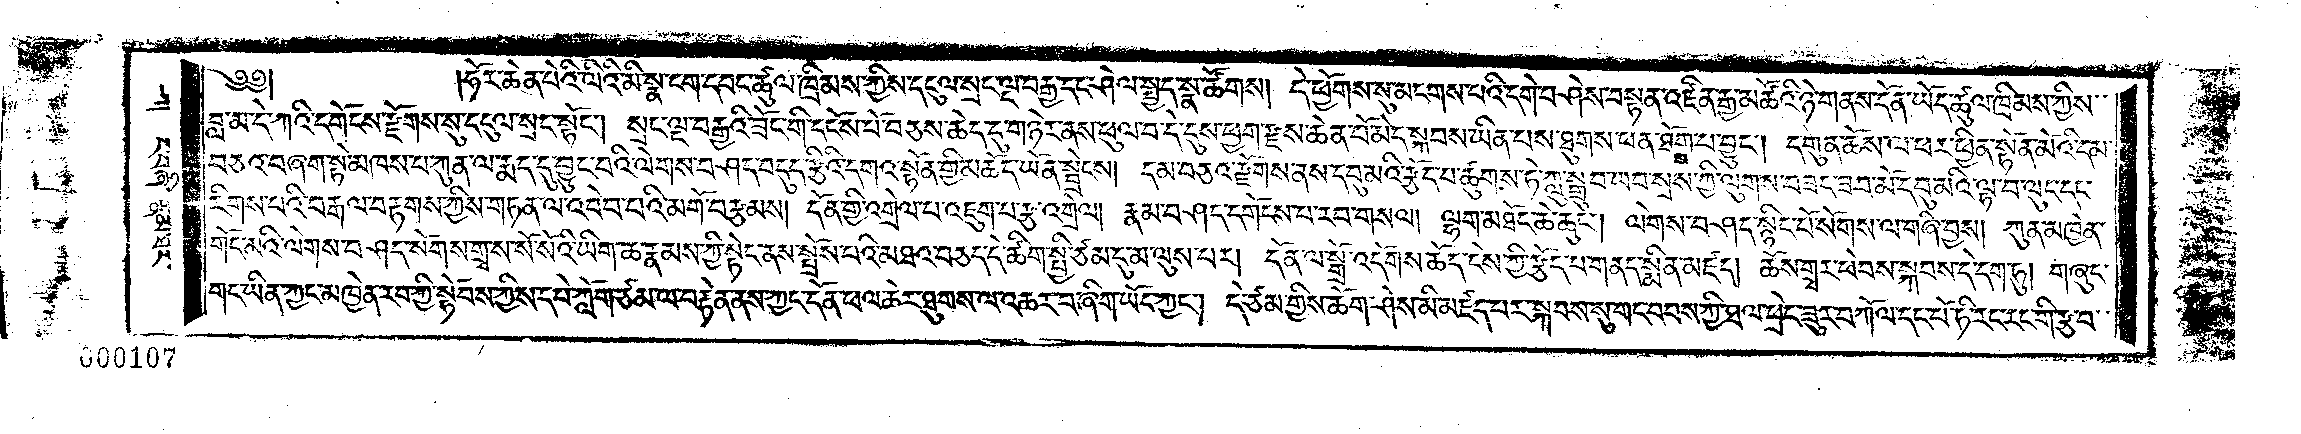༄༅། །ཧོར་ཆེན་པེའི་ལིའི་མི་སྣང་ངག་དབང་ཚུལ་ཁྲིམས་ཀྱིས་དངུལ་སྲང་ལྔ་བརྒྱ་དང་ཤེལ་སྤྱད་སྣ་ཚོགས། དེ་ཕྱོགས་སུ་མ་ངགས་པའི་དགེ་བཤེས་བསྟན་འཛིན་རྒྱ་མཚོའི་ཉེ་གནས་དོན་ཡོད་ཚུལ་ཁྲིམས་ཀྱིས་
བླ་མ་དེ་ཀའི་དགོངས་རྫོགས་སུ་དངུལ་སྲང་སྟོང་། སྲང་ལྔ་བརྒྱའི་ཟོང་གི་དངོས་པོ་བཅས་ཆེད་དུ་གཉེར་ནས་ཕུལ་བ་དེ་དུས་ཕྱག་རྫས་ཆེན་པོ་མེད་སྐབས་ཡིན་པས་ཐུགས་ཕན་ཐོགས་པ་བྱུང་། དགུན་ཆོས་ལ་ཕར་ཕྱིན་སྟོན་མོའི་དམ་
བཅའ་བཞག་སྟེ་མཁས་པ་ཀུན་ལ་རྨད་དུ་བྱུང་བའི་ལེགས་བཤད་བདུད་རྩིའི་དགའ་སྟོན་གྱི་མཆོད་ཡོན་སྦྲེངས། དམ་བཅའ་རྫོགས་ནས་དབུ་མའི་རྩོད་པ་ཚུགས་ཏེ་ཀླུ་སྒྲུབ་ཡབ་སྲས་ཀྱི་ལུགས་བཟང་ཟབ་མོ་དབུ་མའི་ལྟ་བ་ལུང་དང་
རིགས་པའི་བརྒལ་བརྟགས་ཀྱིས་གཏན་ལ་འབེབ་པའི་མགོ་བརྩམས། དོན་གྱི་འགྲེལ་པ་འཇུག་པ་རྩ་འགྲེལ། རྣམ་བཤད་དགོངས་པ་རབ་གསལ། ལྷག་མཐོང་ཆེ་ཆུང་། ལེགས་བཤད་སྙིང་པོ་སོགས་ལ་གཞི་བྱས། ཀུན་མཁྱེན་
གོང་མའི་ལེགས་བཤད་སོགས་གྲྭ་ས་སོ་སོའི་ཡིག་ཆ་རྣམས་ཀྱི་སྟེང་ནས་སྤྲོས་པའི་མཐའ་བཅད་དེ་ཚིག་སྤྱི་ཙམ་དུ་མ་ལུས་པར། དོན་ལ་སྒྲོ་འདོགས་ཆོད་ངེས་ཀྱི་རྩོད་པ་གནད་སྨིན་མཛད། ཆོས་གྲྭར་ཕེབས་སྐབས་དེ་དག་ཏུ། གཞུང་
གང་ཡིན་ཀྱང་མཁྱེན་རབ་ཀྱི་སྟོབས་ཀྱིས་དཔེ་ཀློག་ཙམ་ལ་བརྟེན་ནས་ཀྱང་དོན་ཕལ་ཆེར་ཐུགས་ལ་འཆར་བ་ཞིག་ཡོད་ཀྱང་། དེ་ཙམ་གྱིས་ཆོག་ཤེས་མི་མཛད་པར་སྐབས་སུ་གང་བབས་ཀྱི་ཐལ་ཕྲེང་ཟུར་བཀོལ་དང་པོ་ཏི་རང་རང་གི་རྩ་བ་